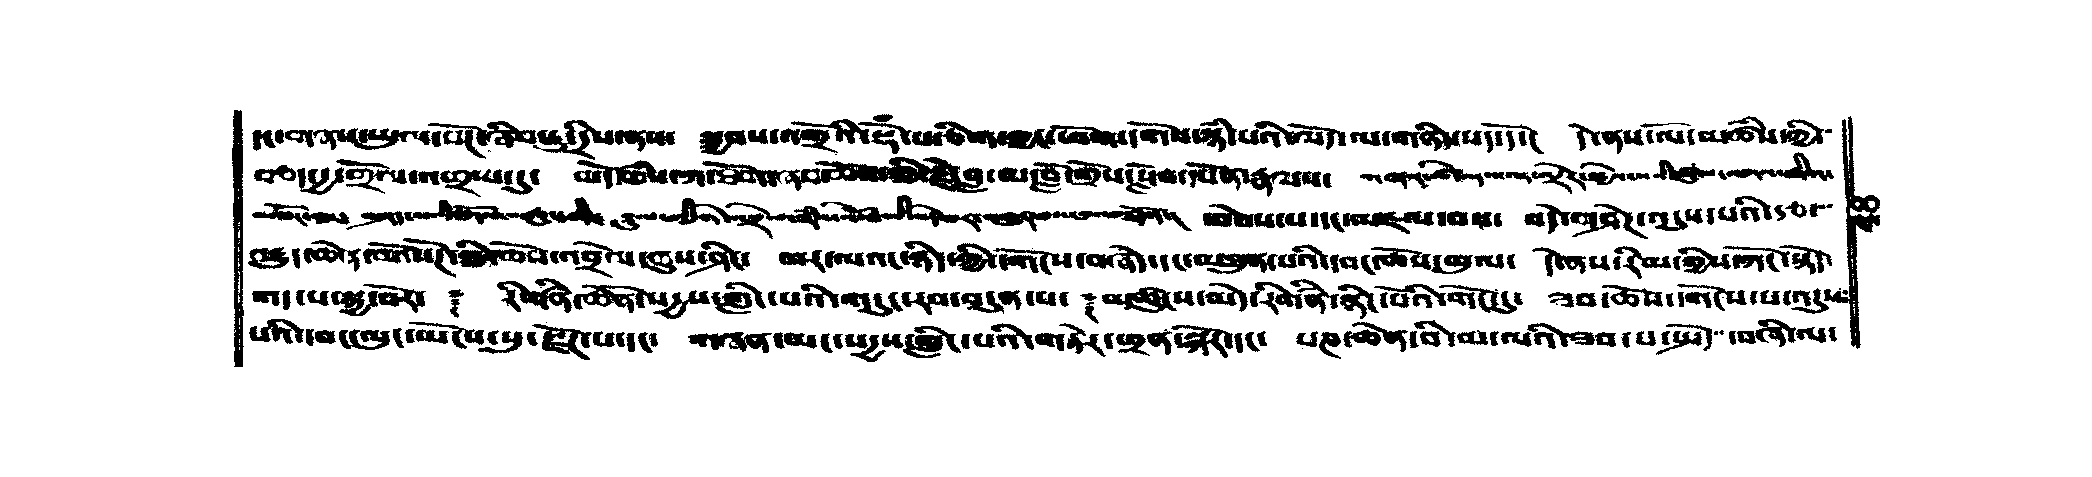དང་གནས་ཡུལ་སོགས་ཞིབ་ཏུ་དྲིས་ནས། སྐྱབས་འགྲོའི་སྡོམ་པ་ཞིག་ཀྱང་ཕོག་དགོས་སྙམ་པའི་མོད་ལ་གཉིད་སད་དོ། གཞན་ཚེ་འདས་ལྷ་འདྲེར་སྐྱེས་པའི་ཚུལ་འགའ་ཞིག་མཐོང་ཀྱང་བཤད་པའི་དགོས་པ་ཆུང་ཞིང་ཤུལ་གྱི་ཉེ་འབྲེལ་རྣམས་སེམས་མི་བདེ་བར་འགྱུར་བས་མ་བརྗོད་དོ། མཆན། དེ་ནས་ལོ་མཚམས་ཀྱི་
བཅད་རྒྱ་གྲོལ་འཕྲལ་དུ། མདོ་ཁམས་ཀཿཐོག་ནས་ཆོས་ཀྱི་རྗེ་བླ་མ་བློ་གྲོས་དཔོན་སློབ་རྣམས་
ཕེབས་པ་དང་མཇལ་བས། བདེ་གཤེགས་འདུས་པའི་རྩ་
རྒྱུད་ཆེན་མོ་སོགས་ཀྱི་ཆོས་འབྲེལ་ཞུས་ཤིང་། ཕར་ལའང་ཉིད་ཀྱི་དགོངས་བཞེད་དང་མཐུན་པའི་དབང་ཆོས་ཕུལ། དེ་ནས་རིམ་གྱིས་ཀོང་སྟོད་
གད་པ་སྐྱ་བོར། རིག་འཛིན་ཆེན་པོ་སངས་རྒྱས་གླིང་པའི་གདུང་རབས་བདུན་པ། མཚུངས་མེད་རིག་འཛིན་སྙིང་པོའི་གོང་དུ། ཟབ་ཆོས་དགོངས་པ་འདུས་
པའི་དབང་ལུང་ཡོངས་སུ་རྫོགས་པ་དང་། གཞན་ཡང་སངས་རྒྱས་གླིང་པའི་གཏེར་ཕྲན་སྐོར་དང་། པཎ་ཆེན་བི་མ་ལའི་ཟབ་པ་པོད་བཞི་ལ་